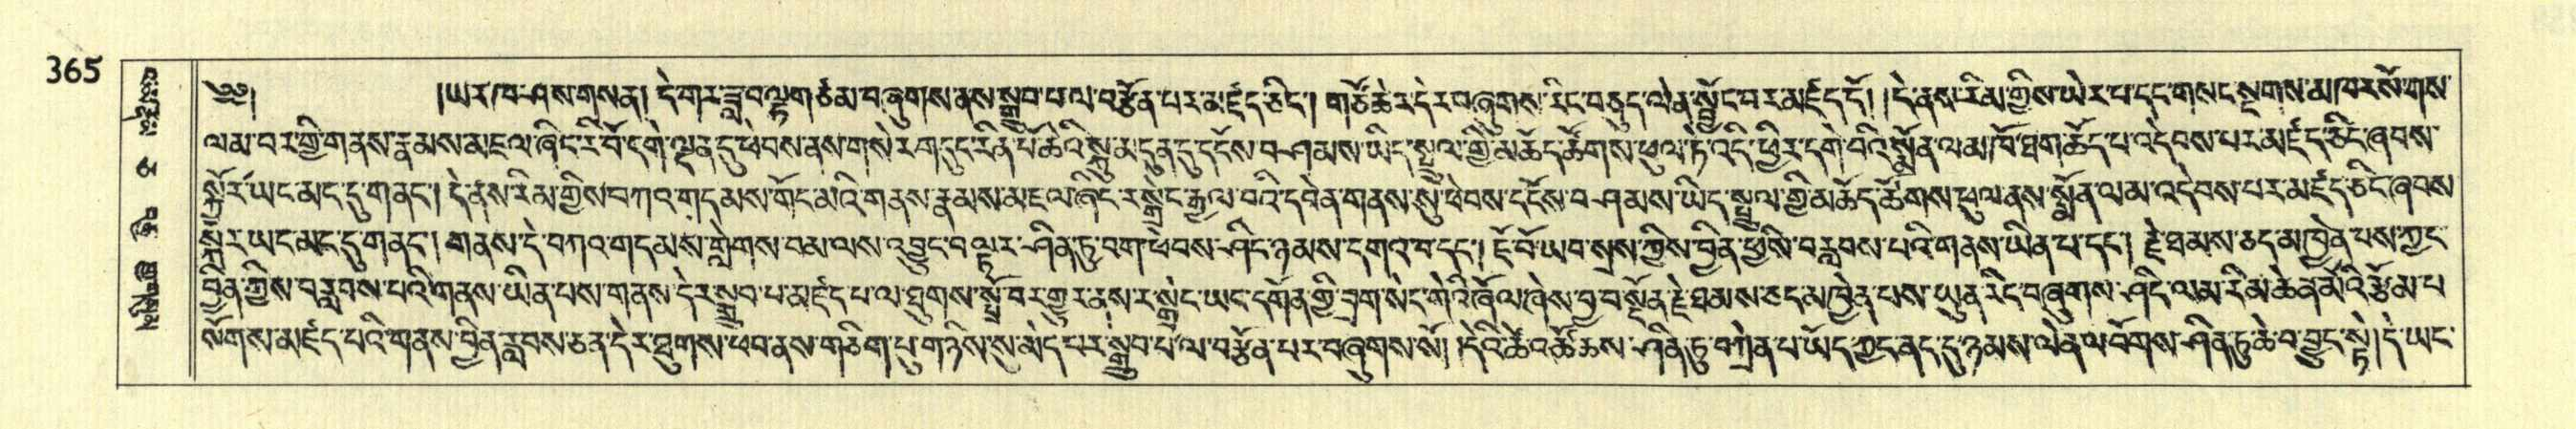༄༅། །ཡར་ཁ་ཤས་གསན། དེ་གར་ཟླ་བ་ལྷག་ཙམ་བཞུགས་ནས་སྒྲུབ་པ་ལ་བརྩོན་པར་མཛད་ཅིང་། གཙོ་ཆེར་དེར་བཞུགས་རིང་བཅུད་ལེན་སྦྱོང་བར་མཛད་དོ། །དེ་ནས་རིམ་གྱིས་ཡེར་པ་དང་གསང་སྔགས་མཁར་སོགས་
ལམ་བར་གྱི་གནས་རྣམས་མཇལ་ཞིང་རི་བོ་དགེ་ལྡན་དུ་ཕེབས་ནས་གསེར་གདུང་རིན་པོ་ཆེའི་སྐུ་མདུན་དུ་དངོས་བཤམས་ཡིད་སྤྲུལ་གྱི་མཆོད་ཚོགས་ཕུལ་ཏེ་འདི་ཕྱིར་དགེ་བའི་སྨོན་ལམ་མཁོ་ཐག་ཆོད་པ་འདེབས་པར་མཛད་ཅིང་ཞབས་
སྐྱོར་ཡང་མང་དུ་གནང་། དེ་ནས་རིམ་གྱིས་བཀའ་གདམས་གོང་མའི་གནས་རྣམས་མཇལ་ཞིང་ར་སྒྲེང་རྒྱལ་བའི་དབེན་གནས་སུ་ཕེབས་དངོས་བཤམས་ཡིད་སྤྲུལ་གྱི་མཆོད་ཚོགས་ཕུལ་ནས་སྨོན་ལམ་འདེབས་པར་མཛད་ཅིང་ཞབས་
སྐར་ཡང་མང་དུ་གནང་། གནས་དེ་བཀའ་གདམས་གླེགས་བམ་ལས་འབྱུང་བ་ལྟར་ཤིན་ཏུ་བག་ཕེབས་ཤིང་ཉམས་དགའ་བ་དང་། ཇོ་བོ་ཡབ་སྲས་ཀྱིས་བྱིན་ཕྱིས་བརླབས་པའི་གནས་ཡིན་པ་དང་། རྗེ་ཐམས་ཅད་མཁྱེན་པས་ཀྱང་
བྱིན་གྱིས་བརླབས་པའི་གནས་ཡིན་པས་གནས་དེར་སྒྲུབ་པ་མཛད་པ་ལ་ཐུགས་སྤྲོ་བར་གྱུར་ནས་ར་སྒྲེང་ཡང་དགོན་གྱི་བྲག་སེང་གེའི་ཞོལ་ཞེས་བྱ་བ་སྔོན་རྗེ་ཐམས་ཅད་མཁྱེན་པས་ཡུན་རིང་བཞུགས་ཤིང་ལམ་རིམ་ཆེན་མོའི་རྩོམ་པ་
སོགས་མཛད་པའི་གནས་བྱིན་རླབས་ཅན་དེར་ཐུགས་ཕབ་ནས་གཅིག་པུ་གཉིས་སུ་མེད་པར་སྒྲུབ་པ་ལ་བརྩོན་པར་བཞུགས་སོ། །དེའི་ཚེ་འཚོ་ཆས་ཤིན་ཏུ་བཀྲེན་པ་ཡོད་ཀྱང་ནང་དུ་ཉམས་ལེན་ལ་བོགས་ཤིན་ཏུ་ཆེ་བ་བྱུང་སྟེ། དེ་ཡང་